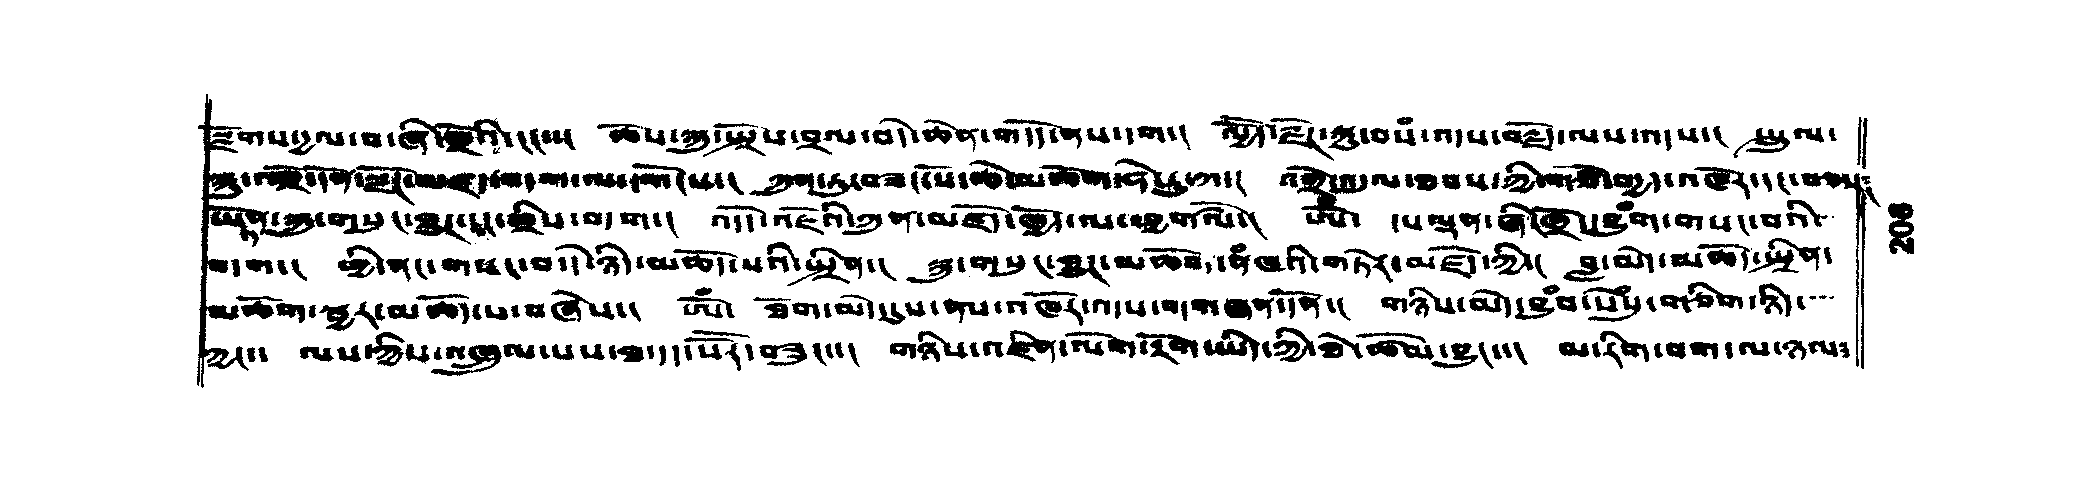རྫོགས་རྒྱལ་བ་ཞི་ཁྲོའི་ངང་། ཆོས་སྐུ་སྤྲོས་བྲལ་བདེ་ཆེན་གདོད་ནས་དག་ལོངས་སྤྱོད་རྫོགས་སྐུ་བསམ་འདས་བརྗོད་ལས་འདས། །སྤྲུལ་
སྐུ་འགྲོ་དོན་རྫོགས་མཛད་བདག་ལ་དགོངས། །ཀུན་ཏུ་བཟང་པོ་ཆེ་མཆོག་ཧེ་རུ་ཀ། །འགྲོ་འདུལ་ཐབས་ཀྱི་གཙོ་བརྒྱད་འཁོར་དང་བཅས། 
ཡོན་ཏན་སྐུ་གསུང་ཐུགས་དང་ཕྲིན་ལས་བདག་འདོད་འཇོའོ་ཀུན་མཛོད་ཁྱོད་ལ་ཕྱག་འཚལ་ལོ། ། ཨོཾ། དཔལ་ལྡན་ཞི་ཁྲོ་དབང་ཕྱུག་གསང་བའི་
བདག་།ཕྱི་ནང་གསང་བ་དེ་ཉིད་མཆོད་པའི་སྤྲིན། །སྐུ་གསུང་ཐུགས་མཆོག་ནམ་མཁའི་གཏེར་མཛོད་ཀྱི། །བླ་མེད་མཆོད་སྤྲིན་
མཆོག་སྦྱར་མཆོད་པ་བཞེས།། ཨོཾ། ཐོག་མེད་དུས་ནས་འཁོར་འདས་བདག་གཞན་དོན། །གཉིས་མེད་བྱང་ཆུབ་སེམས་སུ་གཅིག་ཉིད་
ཀྱང་། །ལས་ཀྱིས་འཁྲུལ་པས་ཐ་དད་སོ་སོར་བཟུང་། །གཉིས་འཛིན་ལོག་རྟོག་ཡིད་ཀྱིས་ཐེ་ཚོམ་བྱུང་། །མ་རིག་བག་ལ་ཉལ་